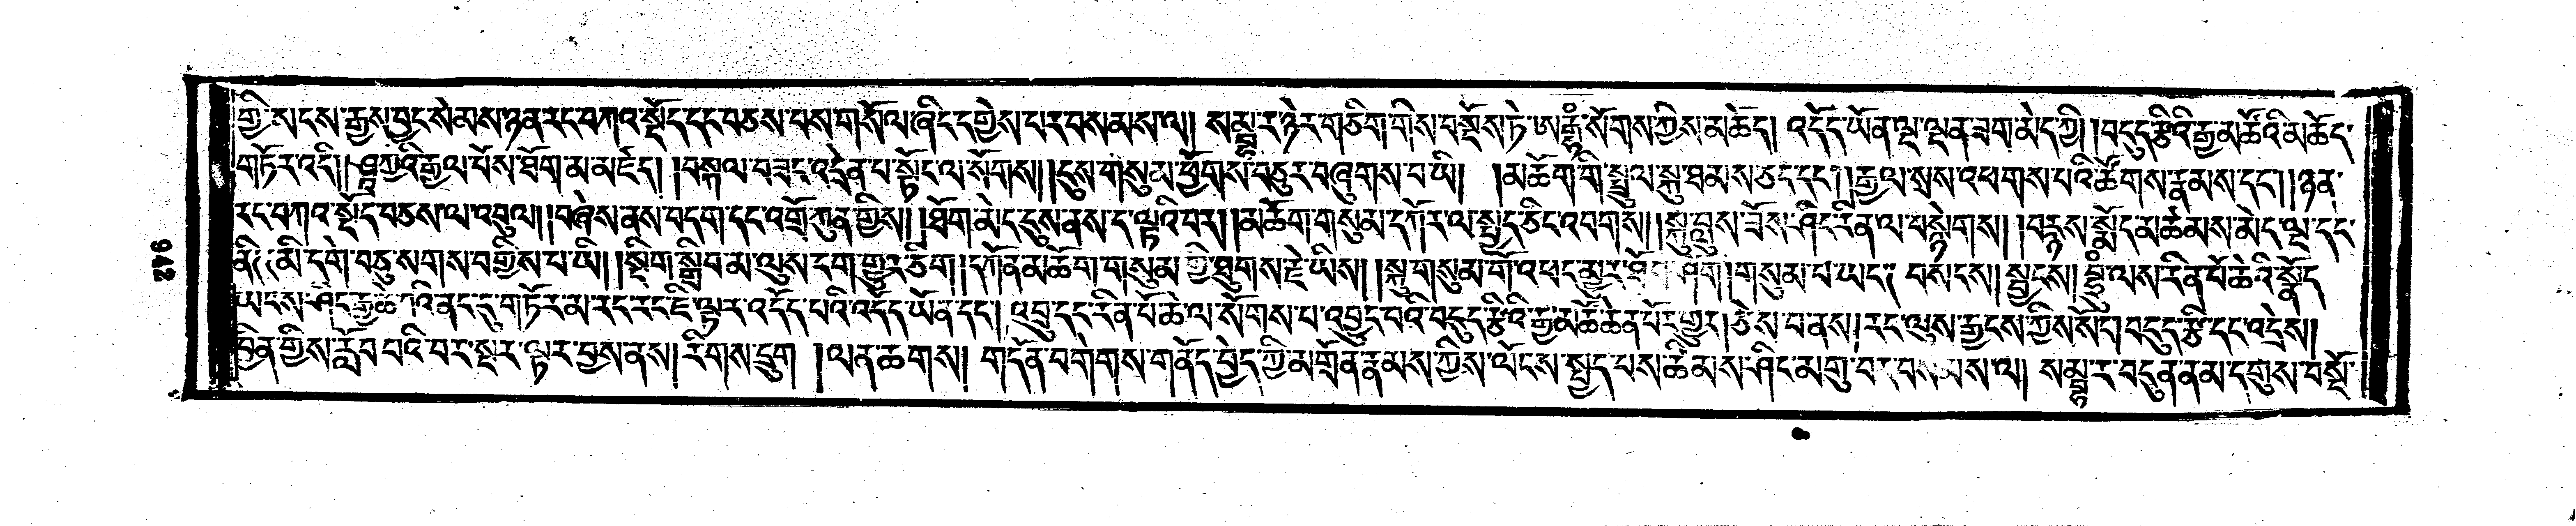གྱི་སངས་རྒྱས་བྱང་སེམས་ཉན་རང་བཀའ་སྡོད་དང་བཅས་པས་གསོལ་ཞིང་དགྱེས་པར་བསམས་ལ། སམྦྷ་ར་ཉེར་གཅིག་གིས་བསྔོས་ཏེ་ཨརྒྷཾ་སོགས་ཀྱིས་མཆོད། འདོད་ཡོན་ལྔ་ལྡན་ཟག་མེད་ཀྱི། །བདུད་རྩིའི་རྒྱ་མཚོའི་མཆོད་
གཏོར་འདི། །ཤཱཀྱའི་རྒྱལ་པོས་ཐོག་མ་མཛད། །བསྐལ་བཟང་འདྲེན་པ་སྟོང་ལ་སོགས། །དུས་གསུམ་ཕྱོགས་བཅུར་བཞུགས་པ་ཡི། །མཆོག་གི་སྤྲུལ་སྐུ་ཐམས་ཅད་དང་། །རྒྱལ་སྲས་འཕགས་པའི་ཚོགས་རྣམས་དང་། །ཉན་
རང་བཀའ་སྡོད་བཅས་ལ་འབུལ། །བཞེས་ནས་བདག་དང་འགྲོ་ཀུན་གྱིས། །ཐོག་མེད་དུས་ནས་ད་ལྟའི་བར། །མཆོག་གསུམ་དཀོར་ལ་སྤྱད་ཅིང་འབགས། །སྐུ་བླུས་ཟོས་ཤིང་རིན་ལ་བསྙེགས། །བརྙས་སྨོད་མཚམས་མེད་ལྔ་དང་
ནི། །མི་དགེ་བཅུ་སོགས་བགྱིས་པ་ཡི། །སྡིག་སྒྲིབ་མ་ལུས་དག་གྱུར་ཅིག །དཀོན་མཆོག་གསུམ་གྱི་ཐུགས་རྗེ་ཡིས། །སྐུ་གསུམ་གོ་འཕང་མྱུར་ཐོབ་ཤོག །གསུམ་པ་ཡང་། བསངས། སྦྱངས། བྷྲུཾ་ལས་རིན་པོ་ཆེའི་སྣོད་
ཡངས་ཤིང་རྒྱ་ཆེ་བའི་ནང་དུ་གཏོར་མ་རང་རང་ཇི་ལྟར་འདོད་པའི་འདོད་ཡོན་དང་། འབྲུ་དང་རིན་པོ་ཆེ་ལ་སོགས་པ་འབྱུང་བའི་བདུད་རྩིའི་རྒྱ་མཚོ་ཆེན་པོར་གྱུར། ཅེས་པ་ནས། རང་ལུས་རྒྱངས་ཀྱིས་སོང་། བདུད་རྩི་དང་འདྲེས།
བྱིན་གྱིས་རློབ་པའི་བར་སྔར་ལྟར་བྱས་ནས། རིགས་དྲུག །ལན་ཆགས། གདོན་བགེགས་གནོད་བྱེད་ཀྱི་མགྲོན་རྣམས་ཀྱིས་ལོངས་སྤྱད་པས་ཚིམས་ཤིང་མགུ་བར་བསམས་ལ། སམྦྷ་ར་བདུན་ནམ་དགུས་བསྔོ་